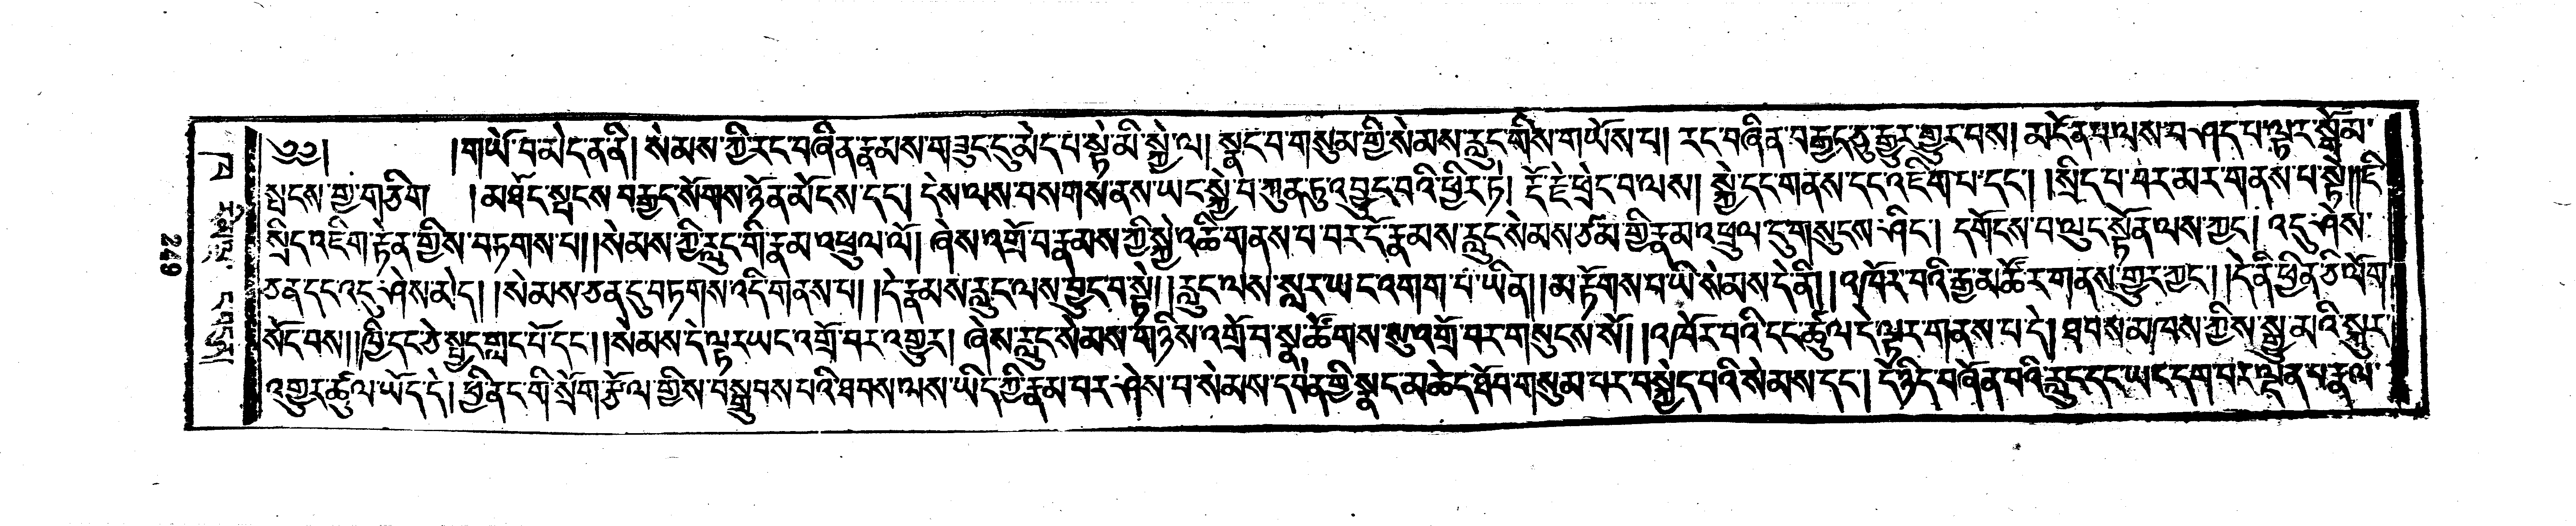༄༅། །གཡོ་བ་མེད་ན་ནི། སེམས་ཀྱི་རང་བཞིན་རྣམས་གཟུང་དུ་མེད་པ་སྟེ་མི་སྐྱེ་ལ། སྣང་བ་གསུམ་གྱི་སེམས་རླུང་གིས་གཡོས་པ། རང་བཞིན་བརྒྱད་ཅུ་རྒྱུར་གྱུར་པས། མངོན་པ་ལས་བཤད་པ་ལྟར་སྒོམ་
སྤངས་གྱ་གཅིག །མཐོང་སྤངས་བརྒྱད་སོགས་ཉོན་མོངས་དང་། དེས་ལས་བསགས་ནས་ཡང་སྐྱེ་བ་ཀུན་ཏུ་འབྱུང་བའི་ཕྱིར་ཏེ། རྡོ་རྗེ་ཕྲེང་བ་ལས། སྐྱེ་དང་གནས་དང་འཇིག་པ་དང་། །སྲིད་པ་བར་མར་གནས་པ་སྟེ། །ཇི་
སྲིད་འཇིག་རྟེན་གྱིས་བཏགས་པ། །སེམས་ཀྱི་རླུང་གི་རྣམ་འཕྲུལ་ལོ། ཞེས་འགྲོ་བ་རྣམས་ཀྱི་སྐྱེ་འཆི་གནས་པ་བར་དོ་རྣམས་རླུང་སེམས་ཙམ་གྱི་རྣམ་འཕྲུལ་དུ་གསུངས་ཤིང་། དགོངས་པ་ལུང་སྟོན་ལས་ཀྱང་། འདུ་ཤེས་
ཅན་དང་འདུ་ཤེས་མེད། །སེམས་ཅན་དུ་བཏགས་འདི་གནས་པ། །དེ་རྣམས་རླུང་ལས་བྱུང་བ་སྟེ། །རླུང་ལས་སླར་ཡང་འགག་པ་ཡིན། །མ་རྟོགས་པ་ཡི་སེམས་དེ་ནི། །འཁོར་བའི་རྒྱ་མཚོར་གནས་གྱུར་ཀྱང་། །དེ་ནི་ཕྱིན་ཅི་ལོག་
སོང་བས། །ཁྱི་དང་ཅེ་སྤྱང་གླང་པོ་དང་། །སེམས་དེ་ལྟར་ཡང་འགྲོ་བར་འགྱུར། ཞེས་རླུང་སེམས་གཉིས་འགྲོ་བ་སྣ་ཚོགས་སུ་འགྲོ་བར་གསུངས་སོ། །འཁོར་བའི་ངང་ཚུལ་དེ་ལྟར་གནས་པ་དེ། ཐབས་མཁས་ཀྱིས་སྒྱུ་མའི་སྐུར་
འགྱུར་ཚུལ་ཡོད་དེ། ཕྱི་ནང་གི་སྲོག་རྩོལ་གྱིས་བསྒྲུབས་པའི་ཐབས་ལས་ཡིད་ཀྱི་རྣམ་པར་ཤེས་པ་སེམས་དབེན་གྱི་སྣང་མཆེད་ཐོབ་གསུམ་པར་བསྐྱེད་པའི་སེམས་དང་། དེ་ཉིད་བཞོན་པའི་རླུང་དང་ཡང་དག་པར་ལྡན་པ་རྣལ་